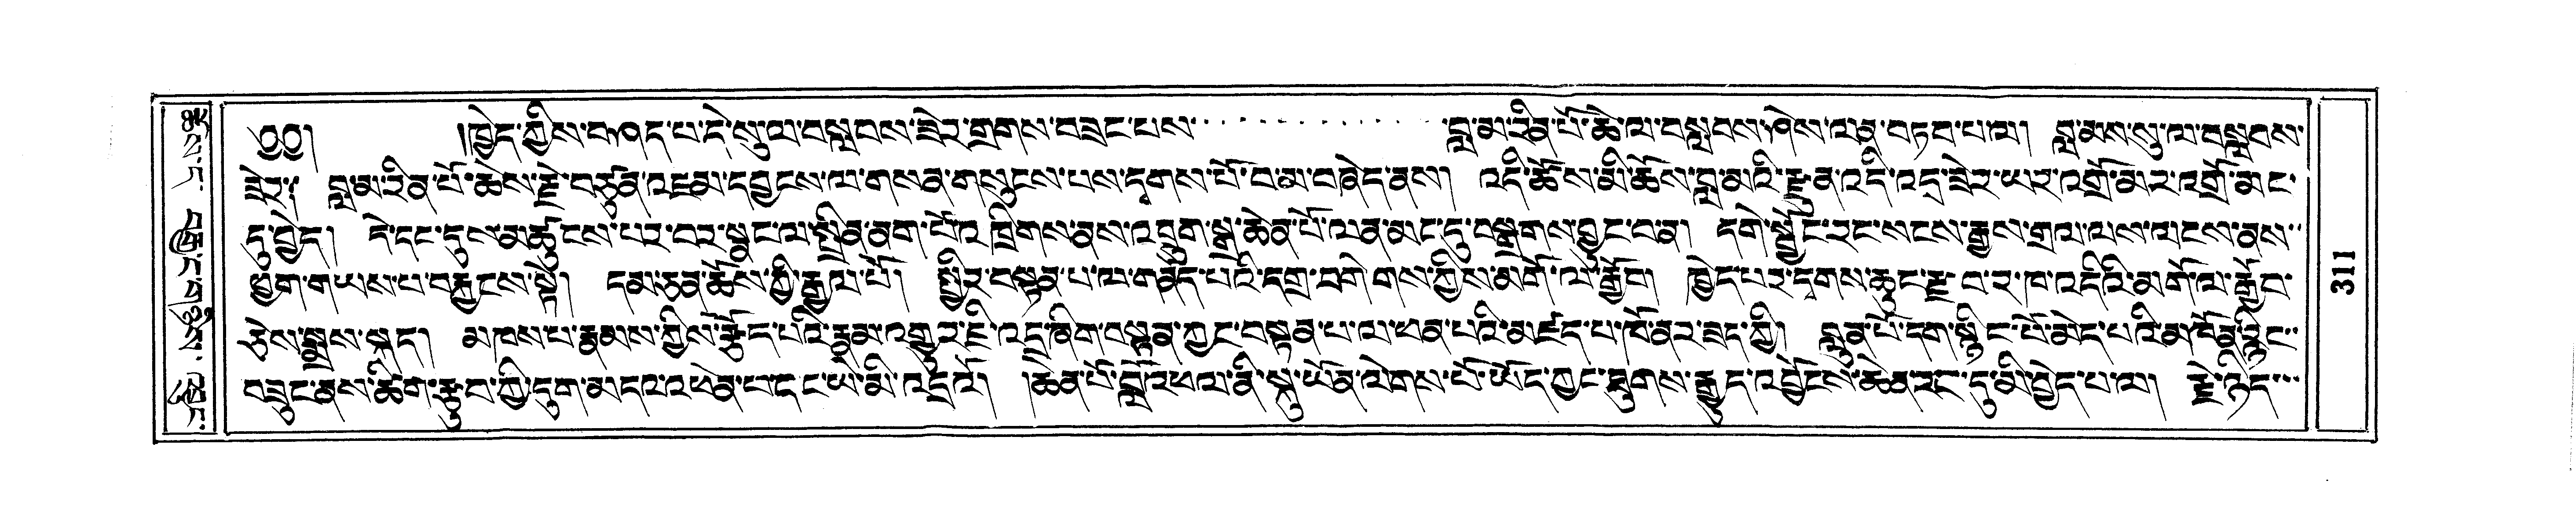༄༅། །ཁྱེད་ཀྱིས་བཤད་པ་དེ་སུ་ལ་བསླབས་ཟེར་གྲགས་བཟང་པས་བླ་མ་རིན་པོ་ཆེ་ལ་བསླབས་ཤེས་ལན་བཏབ་པ་ལ། བླ་མས་སུ་ལ་བསླབས་
ཟེར༑ བླ་མ་རིན་པོ་ཆེས་རྗེ་བཙུན་འཇམ་དབྱངས་ལ་གསན་གསུངས་པས་དྭགས་པོ་བ་མ་བཞེད་ནས། འདི་ཚོས་མི་ཆོས་བླ་མའི་རྫུན་འདི་འདྲ་ཟེར་ཡར་འགྲོ་མར་འགྲོ་མང་
དུ་བྱེད། དེ་དང་དུས་མཚུངས་པར་བར་སྣང་ལ་སྤྲིན་ནག་པོ་འཁྲིགས་ནས་འབྲུག་སྒྲ་ཆེན་པོ་ལན་མང་དུ་བསྒྲགས་བྱང་བ་ན། དགེ་སྦྱོང་རང་སངས་རྒྱས་གྲལ་ལས་ལངས་ནས་
ཕྱག་གཡས་པ་བརྐྱངས་སྟེ། དམ་ཅན་ཆོས་ཀྱི་རྒྱལ་པོ། སྤྱིར་བསྟན་པ་ལ་གནད་པའི་དགྲ་བགེགས་ཀྱིས་མགོ་ལ་རྒྱོབ། ཁྱེད་པར་དྭགས་ཆུང་རྫ་བ་ར་ཁ་འདིའི་མགོ་ལ་རྒྱོབ་
ཅེས་སྨྲས་སྐད། མཁས་པ་རྣམས་ཀྱིས་རྩོད་པའི་རྣམ་འགྱུར་ཇི་འདྲ་ཞིག་བསྟན་ཀྱང་བསྟན་པ་ལ་ཕན་པའི་མཛད་པ་ཁོ་ནར་ཟད་ཀྱི། བླུན་པོ་དག་སྙིང་པོ་མེད་པའི་མཁོན་རྙིང་
བཟུང་ནས་ཚིག་རྩུབ་ཀྱི་དུག་མདའ་འཕེན་པ་དང་ཡེ་མི་འདྲའོ། །ཆེན་པོ་བློ་འཕལ་ནི་སྐུ་ཡོན་ལེགས་པོ་ཡོད་ཀྱང་ཐུགས་རྒྱུད་འབྱོངས་ཆེན་རང་དུ་མི་བྱེད་པ་ལ། རྗེ་ཉིད་